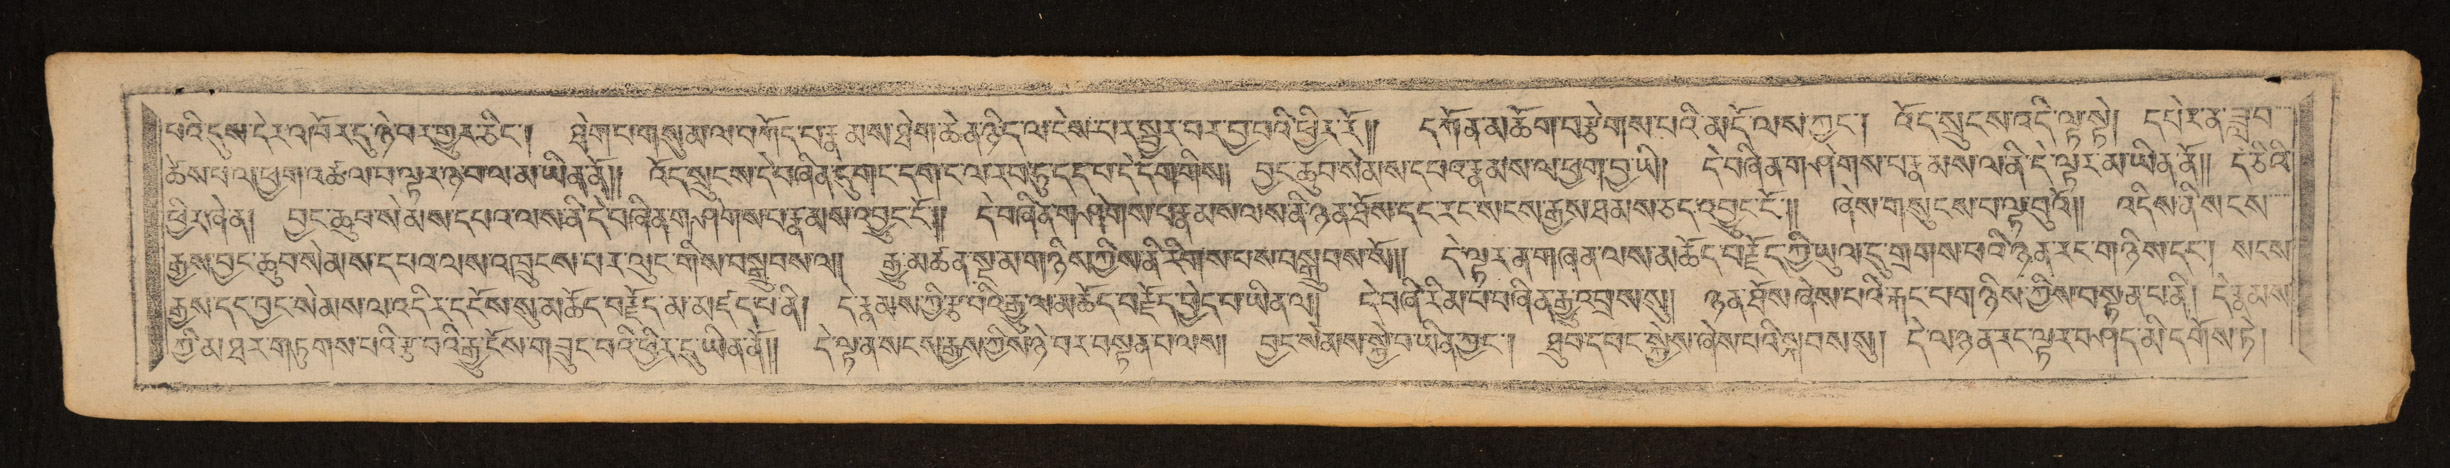པའི་དུས་དེར་འཁོར་དུ་ཉེ་བར་གྱུར་ཅིང་། ཐེག་པ་གསུམ་ལ་བཀོད་པ་རྣམས་ཐེག་ཆེན་ཉིད་ལ་ངེས་པར་སྦྱར་བར་བྱ་བའི་ཕྱིར་རོ།། དཀོན་མཆོག་བརྩེགས་པའི་མདོ་ལས་ཀྱང་། འོད་སྲུངས་འདི་ལྟ་སྟེ། དཔེར་ན་ཟླ་བ་
ཚེས་པ་ལ་ཕྱག་འཚལ་བ་ལྟར་ཉ་བ་ལ་མ་ཡིན་ནོ།། འོད་སྲུངས་དེ་བཞིན་དུ་གང་དག་ང་ལ་རབ་ཏུ་དད་པ་དེ་དག་གིས། བྱང་ཆུབ་སེམས་དཔའ་རྣམས་ལ་ཕྱག་བྱ་ཡི། དེ་བཞིན་གཤེགས་པ་རྣམས་ལ་ནི་དེ་ལྟར་མ་ཡིན་ནོ།། དེ་ཅིའི་
ཕྱིར་ཞེ་ན། བྱང་ཆུབ་སེམས་དཔའ་ལས་ནི་དེ་བཞིན་གཤེགས་པ་རྣམས་འབྱུང་ངོ།། དེ་བཞིན་གཤེགས་པ་རྣམས་ལས་ནི་ཉན་ཐོས་དང་རང་སངས་རྒྱས་ཐམས་ཅད་འབྱུང་ངོ།། ཞེས་གསུངས་པ་ལྟ་བུའོ།། འདིས་ནི་སངས་
རྒྱས་བྱང་ཆུབ་སེམས་དཔའ་ལས་འཁྲུངས་པར་ལུང་གིས་བསྒྲུབས་ལ། རྒྱུ་མཚན་སྔ་མ་གཉིས་ཀྱིས་ནི་རིགས་པས་བསྒྲུབས་སོ།། དེ་ལྟར་ན་གཞན་ལས་མཆོད་བརྗོད་ཀྱི་ཡུལ་དུ་གྲགས་པའི་ཉན་རང་གཉིས་དང་། སངས་
རྒྱས་དང་བྱང་སེམས་ལ་འདིར་དངོས་སུ་མཆོད་བརྗོད་མ་མཛད་པ་ནི། དེ་རྣམས་ཀྱི་རྩ་བའི་རྒྱུ་ལ་མཆོད་བརྗོད་བྱེད་པ་ཡིན་ལ། དེ་བཞི་རིམ་པ་བཞིན་རྒྱུ་འབྲས་སུ། ཉན་ཐོས་ཞེས་པའི་རྐང་པ་གཉིས་ཀྱིས་བསྟན་པ་ནི། དེ་རྣམས་
ཀྱི་མཐར་གཏུགས་པའི་རྩ་བའི་རྒྱུ་ངོས་གཟུང་བའི་ཕྱིར་དུ་ཡིན་ནོ།། དེ་ལྟ་ན་སངས་རྒྱས་ཀྱིས་ཉེ་བར་བསྟན་པ་ལས། བྱང་སེམས་སྐྱེ་བ་ཡིན་ཀྱང་། ཐུབ་དབང་སྐྱེས་ཞེས་པའི་སྐབས་སུ། དེ་ལ་ཉན་རང་ལྟར་བཤད་མི་དགོས་ཏེ།